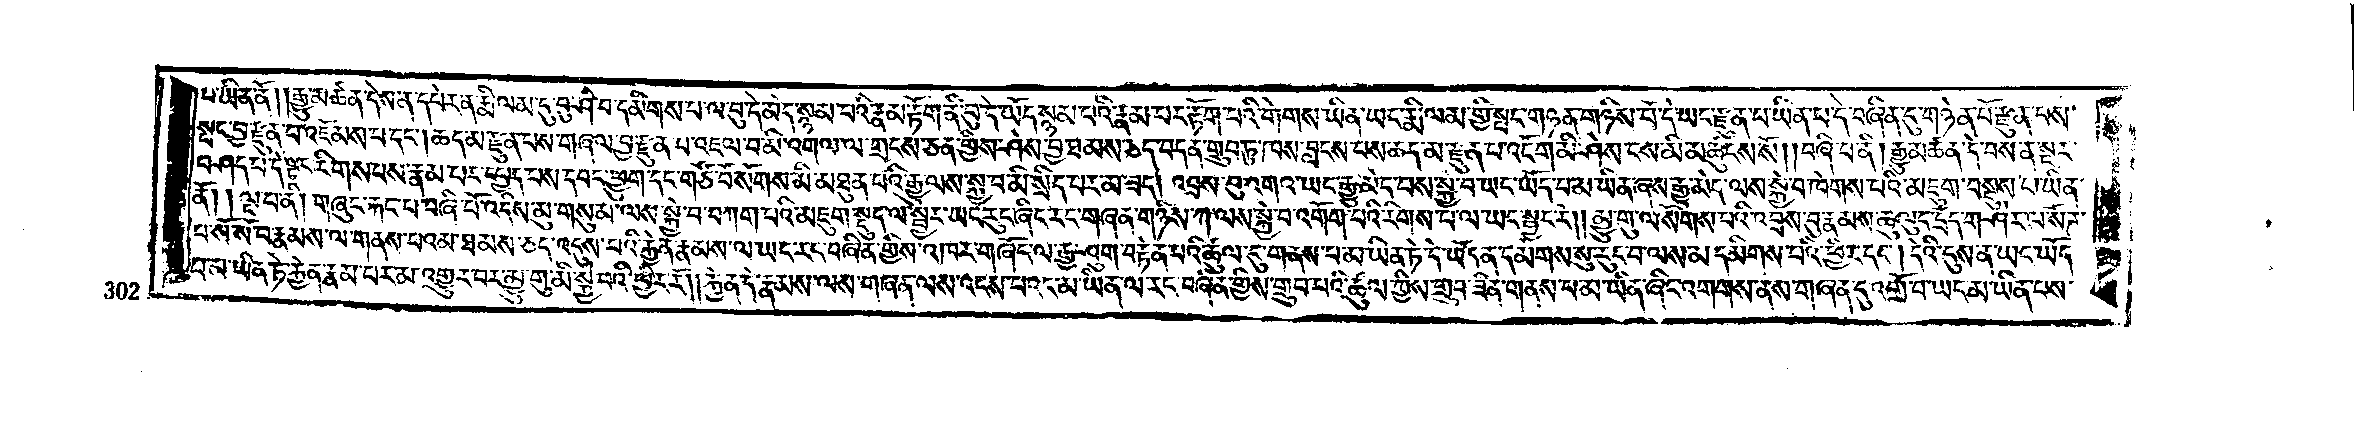པ་ཡིན་ནོ། །རྒྱུ་མཚན་དེས་ན་དཔེར་ན་རྨི་ལམ་དུ་བུ་ཤི་བ་དམིགས་པ་ལ་བུ་དེ་མེད་སྣམ་པའི་རྣམ་རྟོག་ནི་བུ་དེ་ཡོད་སྙམ་པའི་རྣམ་པར་རྟོག་པའི་གེགས་ཡིན་ཡང་རྨི་ལམ་གྱི་སྤང་གཉན་གཉིས་པོ་དེ་ཡང་རྫུན་པ་ཡིན་པ་དེ་བཞིན་དུ་གཉེན་པོ་རྫུན་པས་
སྤང་བྱ་རྫུན་པ་འཇོམས་པ་དང་། ཚད་མ་རྫུན་པས་གཞལ་བྱ་རྫུན་པ་འཇམ་བ་མི་འགལ་ལ་གྲངས་ཅན་གྱིས་ཤེས་བྱ་ཐམས་ཅད་བདེན་གྲུབ་ཏུ་ཁས་བླངས་པས་ཚད་མ་རྫུན་པ་འཇོག་མི་ཤེས་པས་མི་མཚུངས་སོ། །བཞི་པ་ནི། རྒྱུ་མཚན་དེ་བས་ན་སྔར་
བཤད་པ་དེ་ལྟར་རིགས་པས་རྣམ་པར་དཔྱད་པས་དབང་ཕྱུག་དང་གཙོ་བོ་སོགས་མི་མཐུན་པའི་རྒྱུ་ལས་སྐྱེ་བ་མི་སྲིད་པར་མ་ཟད། འབྲས་བུ་འགའ་ཡང་རྒྱུ་མེད་པས་སྐྱེ་བ་ཡང་ཡོད་པ་མ་ཡིན་ཞེས་རྒྱུ་མེད་ལས་སྐྱེ་བ་ཁེགས་པའི་མཇུག་བསྡུས་པ་ཡིན་
ནོ༑ ༑ལྔ་པ་ནི། གཞུང་རྐང་པ་བཞི་པོ་འདིས་མུ་གསུམ་ལས་སྐྱེ་བ་བཀག་པའི་མཇུག་སྡུད་ལ་སྦྱར་ཡང་རུང་ཞིང་རང་བཞན་གཉིས་ཀ་ལས་སྐྱེ་བ་འགོག་པའི་རིགས་པ་ལ་ཡང་སྦྱར་རོ། །མྱུ་གུ་ལ་སོགས་པའི་འབྲས་བུ་རྣམས་ཆུ་ལུད་དྲོད་གཤེར་ལ་སོགས་
པ་སོ་སོ་བ་རྣམས་ལ་གནས་པའམ་ཐམས་ཅད་འདུས་པའི་རྐྱེན་རྣམས་ལ་ཡང་རང་བཞིན་གྱིས་འཁར་གཞོང་ལ་རྒྱ་ཤུག་བརྟེན་པའི་ཚུལ་དུ་གནས་པ་མ་ཡིན་ཏེ་དེ་ཡོད་ན་དམིགས་སུ་རུང་བ་ལས་མ་དམིགས་པའི་ཕྱིར་དང་དེའི་དུས་ན་ཡང་ཡོད་
པ་མ་ཡིན་ཏེ་རྐྱེན་རྣམ་པར་མ་འགྱུར་བར་གྱུར་གུ་མི་སྐྱེ་བའི་ཕྱིར་རོ། །རྐྱེན་དེ་རྣམས་ལས་གཞན་ལས་འདས་པའང་མ་ཡིན་ལ་རང་བཞིན་གྱིས་གྲུབ་པའི་ཚུལ་གྱིས་གྲུབ་ཟིན་གནས་པ་མ་ཡིན་ཞིང་འགགས་ནས་གཞན་དུ་འགྲོ་བ་ཡང་མ་ཡིན་པས་